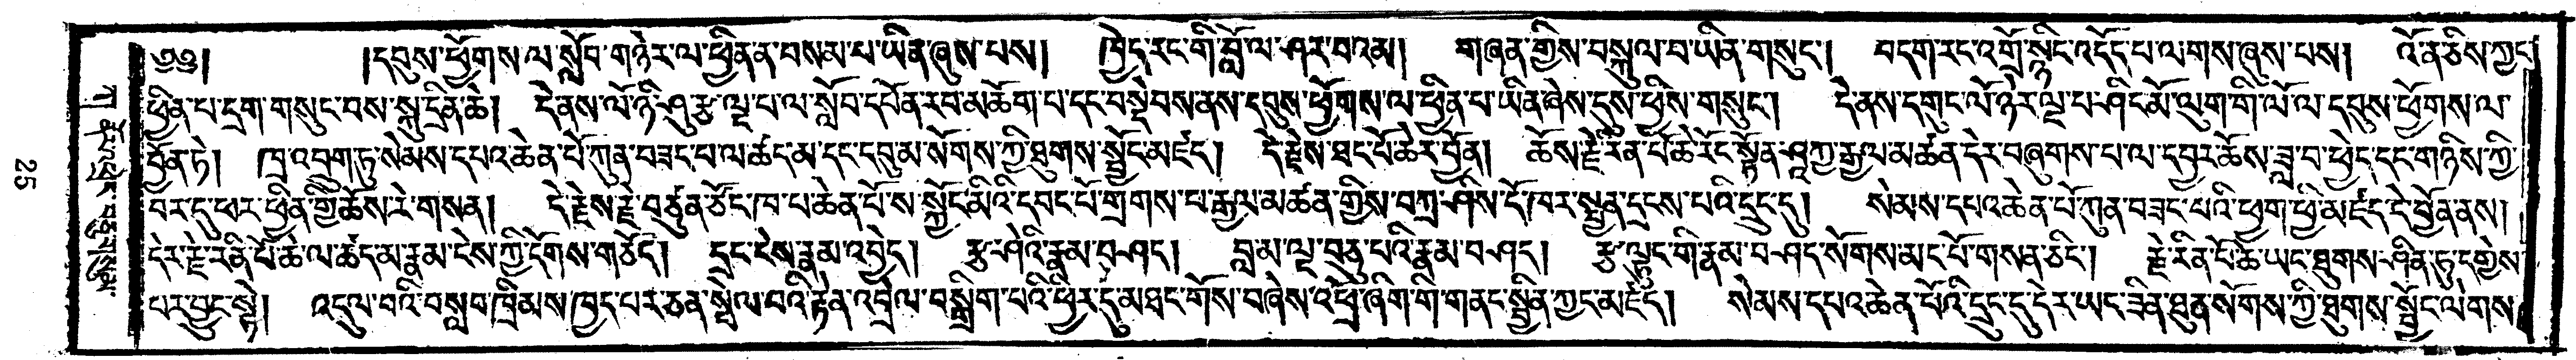༄༅། །དབུས་ཕྱོགས་ལ་སློབ་གཉེར་ལ་ཕྱིན་ན་བསམ་པ་ཡིན་ཞུས་པས། ཁྱེད་རང་གི་བློ་ལ་ཤར་བའམ། གཞན་གྱིས་བསྐུལ་བ་ཡིན་གསུང་། བདག་རང་འགྲོ་སྙིང་འདོད་པ་ལགས་ཞུས་པས། འོ་ན་ཅིས་ཀྱང་
ཕྱིན་པ་དྲག་གསུང་བས་སྐུ་དྲིན་ཆེ། དེ་ནས་ལོ་ཉི་ཤུ་རྩ་ལྔ་པ་ལ་སློབ་དཔོན་རབ་མཆོག་པ་དང་བསྡེབས་ནས་དབུས་ཕྱོགས་ལ་ཕྱིན་པ་ཡིན་ཞེས་དུས་ཕྱིས་གསུང་། དེ་ནས་དགུང་ལོ་ཉེར་ལྔ་པ་ཤིང་མོ་ལུག་གི་ལོ་ལ་དབུས་ཕྱོགས་ལ་
བྱོན་ཏེ། ཁྲ་འབྲུག་ཏུ་སེམས་དཔའ་ཆེན་པོ་ཀུན་བཟང་པ་ལ་ཚད་མ་དང་དབུ་མ་སོགས་ཀྱི་ཐུགས་སྦྱོང་མཛད། དེ་རྗེས་ཐང་པོ་ཆེར་བྱོན། ཆོས་རྗེ་རིན་པོ་ཆེ་རོང་སྟོན་ཤཱཀྱ་རྒྱལ་མཚན་དེར་བཞུགས་པ་ལ་དབྱར་ཆོས་ཟླ་བ་ཕྱེད་དང་གཉིས་ཀྱི་
བར་དུ་ཕར་ཕྱིན་གྱི་ཆོས་རེ་གསན། དེ་རྗེས་རྗེ་བཙུན་ཙོང་ཁ་པ་ཆེན་པོ་ས་སྐྱོང་མིའི་དབང་པོ་གྲགས་པ་རྒྱལ་མཚན་གྱིས་བཀྲ་ཤིས་དོ་ཁར་སྤྱན་དྲངས་པའི་དྲུང་དུ། སེམས་དཔའ་ཆེན་པོ་ཀུན་བཟང་པའི་ཕྱག་ཕྱི་མཛད་དེ་བྱོན་ནས།
དེར་རྗེ་རིན་པོ་ཆེ་ལ་ཚད་མ་རྣམ་ངེས་ཀྱི་དོགས་གཅོད། དྲང་ངེས་རྣམ་འབྱེད། རྩ་ཤེའི་རྣམ་བཤད། བླ་མ་ལྔ་བཅུ་པའི་རྣམ་བཤད། རྩ་ལྟུང་གི་རྣམ་བཤད་སོགས་མང་པོ་གསན་ཅིང་། རྗེ་རིན་པོ་ཆེ་ཡང་ཐུགས་ཤིན་ཏུ་དགྱེས་
པར་བྱུང་སྟེ། འདུལ་བའི་བསླབ་ཁྲིམས་ཁྱད་པར་ཅན་སྤེལ་བའི་རྟེན་འབྲེལ་བསྒྲིག་པའི་ཕྱིར་དུ་མཐང་གོས་བཞེས་འཕྲོ་ཞིག་གི་གནང་སྤྱིན་ཀྱང་མཛད། སེམས་དཔའ་ཆེན་པོའི་དྲུང་དུ་དེར་ཡང་ཟིན་ཐུན་སོགས་ཀྱི་ཐུགས་སྦྱོང་ལེགས་